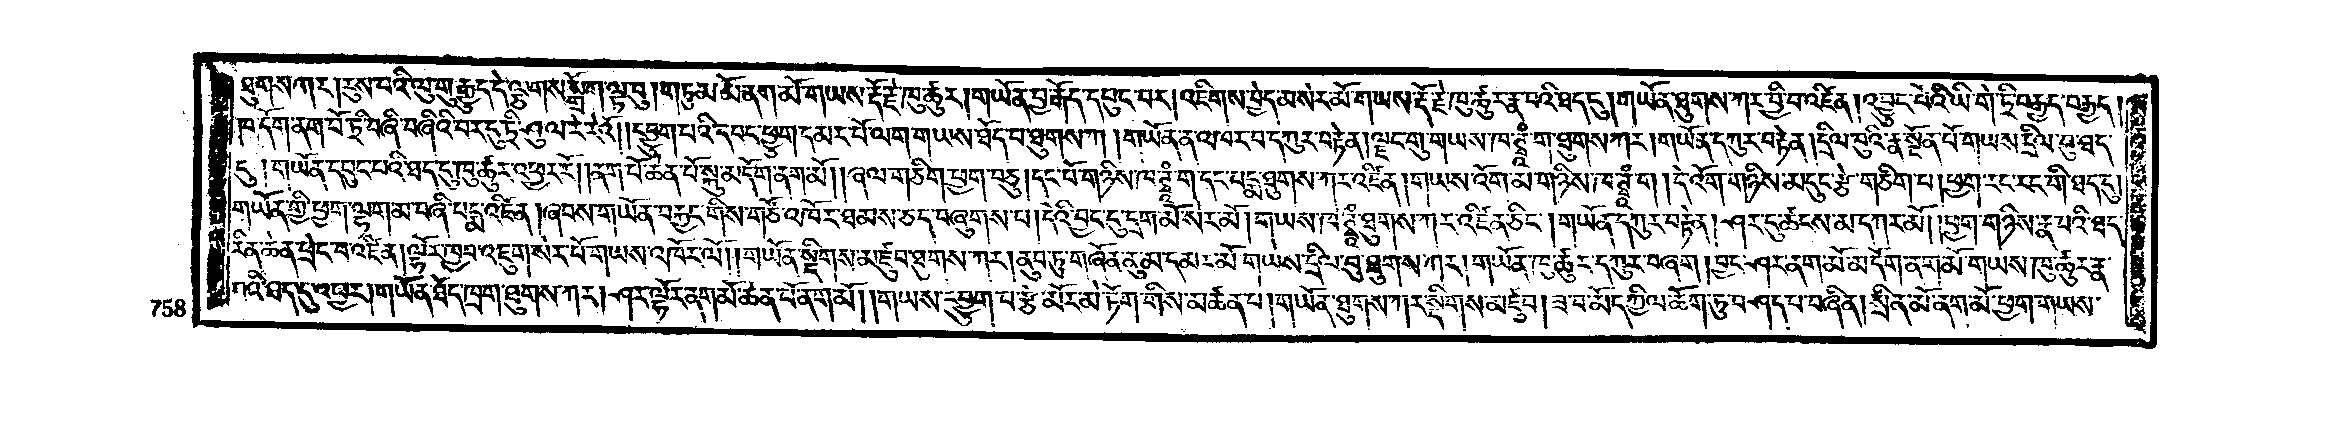ཐུགས་ཀར། རུས་པའི་ལུ་གུ་རྒྱུད་དེ་ལྕགས་སྒྲོག་ལྟ་བུ། གཏུམ་མོ་ནག་མོ་གཡས་རྡོ་རྗེ་ཁུ་ཚུར། གཡོན་བྱ་རྒོད་དཔུང་བར། འཇིགས་བྱེད་མ་སེར་མོ་གཡས་རྡོ་རྗེ་ཁུ་ཚུར་རྣ་བའི་ཐད་དུ། གཡོན་ཐུགས་ཀར་བྱི་བ་འཛིན། འབྱུང་པོའི་ཡི་གེ་ཏྲི་བརྒྱད་བརྒྱད།
ཁ་དོག་ནག་པོ་ཏྲི་བཞི་བཞིའི་བར་དུ་ཏྲི་ཤུལ་རེ་རེའོ། །དབྱུག་པའི་དབང་ཕྱུག་དམར་པོ་ལག་གཡས་ཐོད་པ་ཐུགས་ཀ། གཡོན་ན་འཁོར་བ་དཀུར་བརྟེན། ལྗང་གུ་གཡས་ཁ་ཊྭཱཾ་ག་ཐུགས་ཀར། གཡོན་དཀུར་བརྟེན། དྲིལ་བུའི་རྣ་སྔོན་པོ་གཡས་དྲིལ་བུ་ཐད་
དུ། གཡོན་དཔུང་པའི་ཐད་དུ་ཁུ་ཚུར་འཕྱར་རོ། །ནག་པོ་ཆེན་པོ་སྐུ་མདོག་ནག་མོ། །ཞལ་གཅིག་ཕྱག་བཅུ། དང་པོ་གཉིས་ཁ་ཊྭཱཾ་ག་དང་པདམ་ཐུགས་ཀར་འཛིན། གཡས་འོག་མ་གཉིས་ཁ་ཊྭཱཾ་ག །དེ་འོག་གཉིས་མདུང་རྩེ་གཅིག་པ། ཕྱག་རང་རང་གི་ཐད་དུ།
གཡོན་གྱི་ཕྱག་ལྷག་མ་བཞི་པདམ་འཛིན། ཞབས་གཡོན་བརྐྱང་གིས་གཙོ་འཁོར་ཐམས་ཅད་བཞུགས་པ། དེའི་བྱང་དུ་དྲག་མོ་སེར་མོ། གཡས་ཁ་ཊྭཱཾ་ཐུགས་ཀར་འཛིན་ཅིང་། གཡོན་དཀུར་བརྟེན། ཤར་དུ་ཚངས་མ་དཀར་མོ། །ཕྱག་རང་རང་གི་ཐད་དུ།
རིན་ཆེན་ཕྲེང་བ་འཛིན། ལྷོར་ཁྱབ་འཇུག་སེར་པོ་གཡས་འཁོར་ལོ། །གཡོན་སྡིགས་མཛུབ་ཐུགས་ཀར། ནུབ་ཏུ་གཞོན་ནུ་མེ་དམར་མོ་གཡས་དྲིལ་བུ་ཐུགས་ཀར། གཡོན་ཁུ་ཚུར་དཀུར་བཞག །བྱང་ཤར་ནག་མོ་མདོག་ནག་མོ་གཡས་ཁུ་ཚུར་རྣ་
བའི་ཐད་དུ་འཕྱར། གཡོན་ཐོད་ཁྲག་ཐུགས་ཀར། ཤར་ལྷོར་ནག་མོ་ཆེན་པོ་ནག་མོ། །གཡས་དབྱུག་པ་རྩེ་མོར་མེ་ཏོག་གིས་མཚན་པ། གཡོན་ཐུགས་ཀར་སྡིགས་མཛུབ། ཟ་བ་མོ་དཀྱིལ་ཆོག་ཏུ་བཤད་པ་བཞིན། སྲིན་མོ་ནག་མོ་ཕྱག་གཡས་